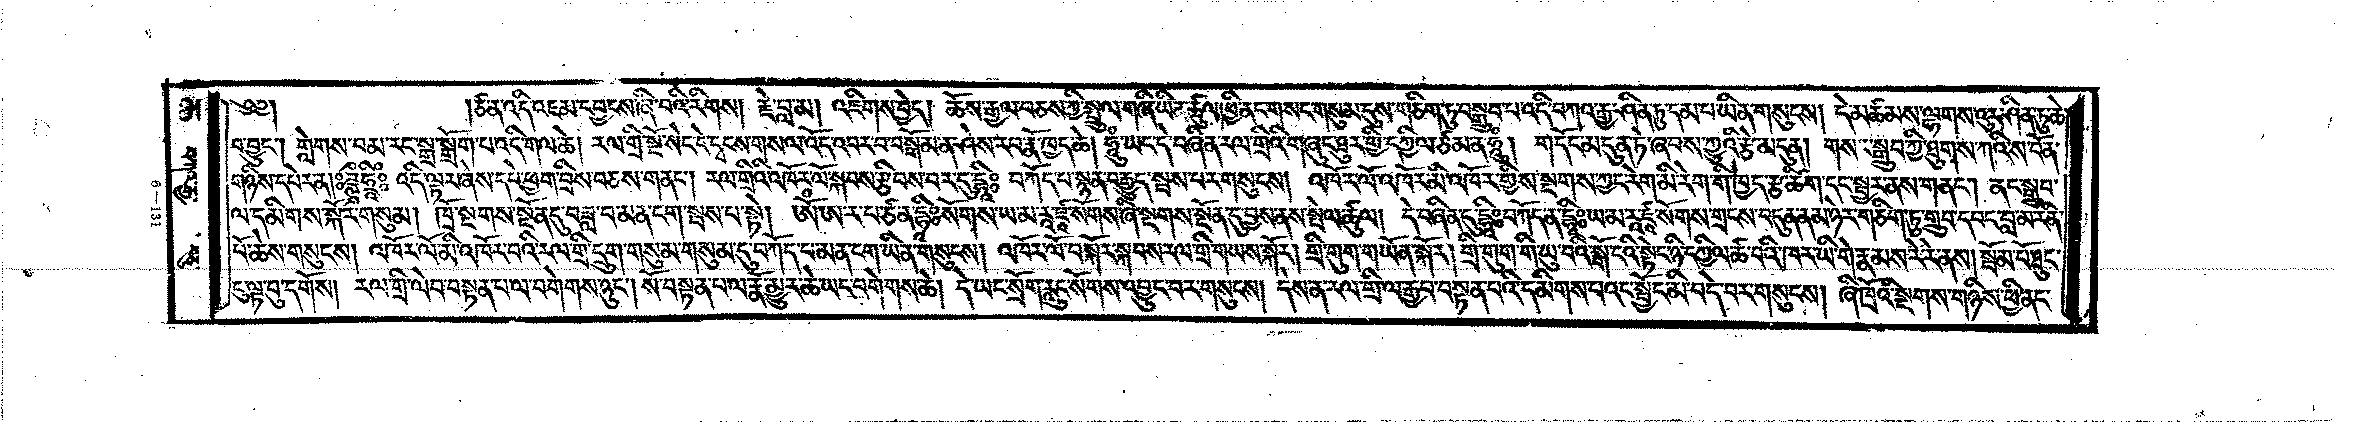༄༅། །ཙ་ན་འདི་འཇམ་དབྱངས་ཞི་བའི་རིགས། རྗེ་བླ་མ། འཇིགས་བྱེད། ཆོས་རྒྱལ་བཅས་ཀྱི་སྤྲུལ་གཞི་ཡིན་ཚུལ་།ཕྱི་ནང་གསང་གསུམ་དུས་གཅིག་ཏུ་བསྒྲུབ་པ་འདི་བཀའ་རྒྱ་ཤིན་ཏུ་དམ་པ་ཡིན་གསུངས། དེ་མཚམས་ལྷགས་འུར་ཤིན་ཏུ་ཆེ་
བ་བྱུང་། གླེགས་བམ་རང་སྒྲ་སྒྲོག་པ་འདི་གལ་ཆེ། རལ་གྲི་སྔོ་སེང་ངེ་དྭངས་གསལ་འོད་འབར་བ་བསྒོམ་ན་ཤེས་རབ་རྣོ་ཁྱད་ཆེ། ཧཱུཾ་ཡང་དེ་བཞིན་རལ་གྲིའི་གཞུང་ཐུར་གྱི་དཀྱིལ་ཙམ་ན་ཧཱུཾ། གདོང་མདུན་ཏེ་ཞབས་ཀྱུའི་རྩེ་མདུན། གསང་སྒྲུབ་ཀྱི་ཐུགས་ཀའི་ས་བོན་
གཉིས་དཔེར་ན། Hཌཿཨཱྀཧྲཱིཿའདི་ལྟར་ཞེས་དཔེ་ཕྱག་བྲིས་བཅས་གནང་། རལ་གྲིའི་འཁོར་ལོ་སྐབས་རྩིབས་བར་དུ་དྷཱིཿབཀོད་པ་སྙན་བརྒྱུད་སྦས་པར་གསུངས། འཁོར་ལོ་འཁོར་མི་འཁོར་གྱིས་སྔགས་ཀྱང་རེག་མི་རེག་གི་ཁྱད་རྩ་ཚིག་དང་སྦྱར་ནས་གནང་། ནང་སྒྲུབ་
ལ་དམིགས་སྐོར་གསུམ། ཁྲོ་སྔགས་སྔོན་དུ་བཟླ་བ་མན་ངག་སྦས་པ་སྟེ། ཨོཾ་ཨ་ར་པ་ཙ་ན་དྷཱིཿསོགས་ཡ་མ་རཱ་ཛཱ་སོགས་ཞི་སྔགས་སྔོན་དུ་བྱས་ནས་སྤེལ་ཚུལ། དེ་བཞིན་དུ་དྷཱིཿབཀོད་ན་དྷཱིཿཡ་མ་རཱ་རྫཱ་སོགས་གྲངས་བདུན་ནམ་ཉེར་གཅིག་ཏུ་གྲུབ་དབང་བླ་མ་རིན་
པོ་ཆེས་གསུངས། འཁོར་ལོ་མི་འཁོར་བའི་རལ་གྲི་དྲུག་གསུམ་གསུམ་དུ་བཀོད་པ་མན་ངག་ཡིན་གསུངས། འཁོར་ལོ་བསྐོར་སྐབས་རལ་གྲི་གཡས་སྐོར། གྲི་གུག་གཡོན་སྐོར། གྲི་གུག་གི་ཡུ་བའི་སྒོ་ངའི་སྟེང་ཉི་དཀྱིལ་ཚ་བའི་ཁར་ཡི་གེ་རྣམས་རེ་རེ་ནས། སྦོམ་པོ་ཐུང་
དུ་ལྟ་བུ་དགོས། རལ་གྲི་ལེབ་བསྟན་པ་ལ་བགེགས་ཉུང་། སོ་བསྟན་པ་ལ་རྣོ་མྱུར་ཆེ་ཡང་བགེགས་ཆེ། དེ་ཡང་སྲོག་རླུང་སོགས་འབྱུང་བར་གསུངས། དེས་ན་རལ་གྲི་ལ་རྒྱབ་བསྟན་པའི་དམིགས་པའང་སྦྱོང་མི་བདེ་བར་གསུངས། ཞི་ཁྲོའི་སྔགས་གཉིས་ཕྱི་ནང་